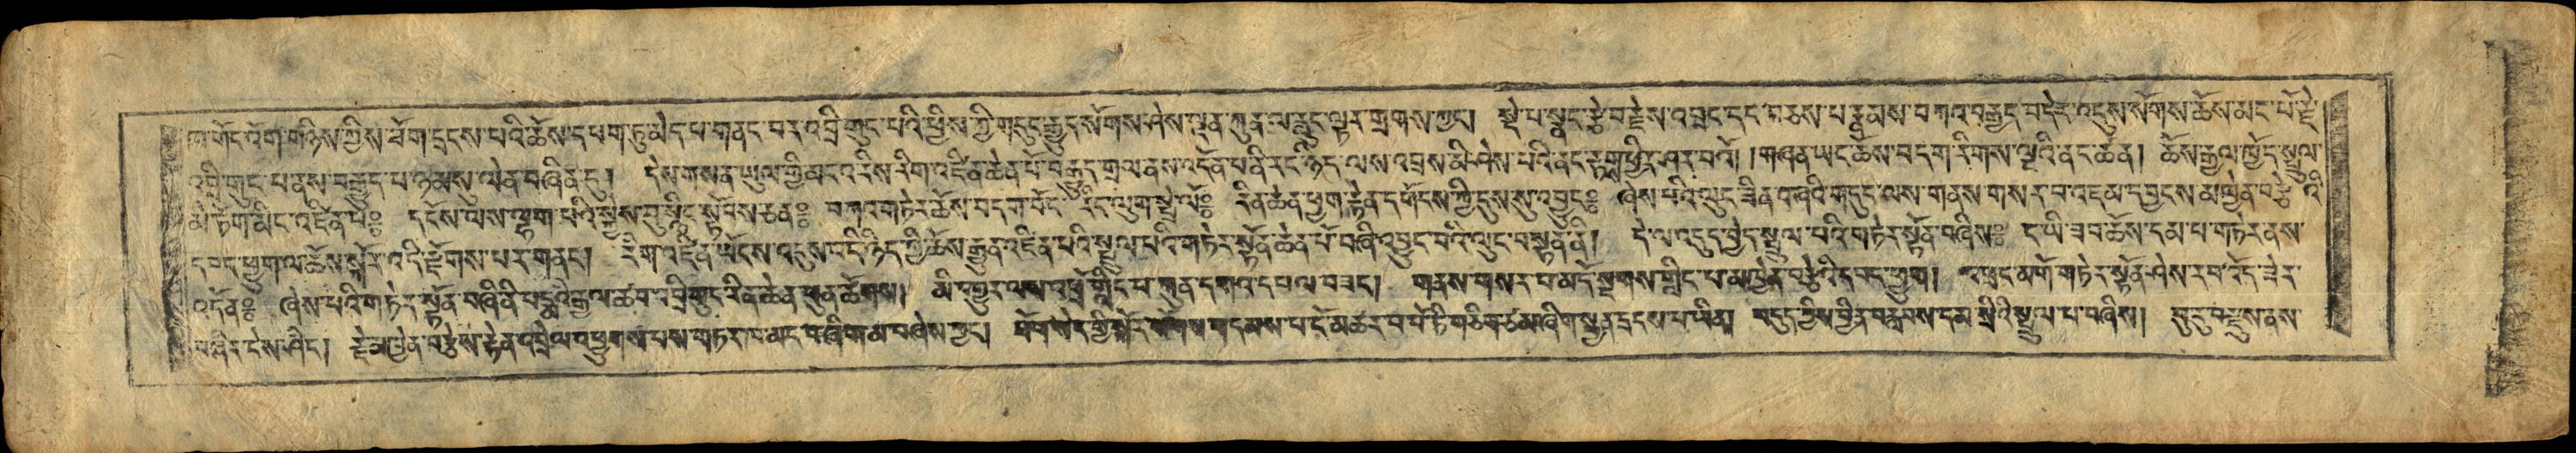ཁ་གོང་འོག་གཉིས་ཀྱིས་ཐོག་དྲངས་པའི་ཆོས་དཔག་ཏུ་མེད་པ་གནང་བར་འབྲི་གུང་པའི་ཕྱིས་ཀྱི་གདུང་རྒྱུད་སོགས་ཤེས་ལྡན་ཀུན་ལ་རླུང་ལྟར་གྲགས་ཀྱང་། སྡེ་བ་སྣང་རྩེ་བ་རྗེས་འབྲང་དང་བཅས་པ་རྣམས་བཀའ་བརྒྱད་བདེར་འདུས་སོགས་ཆོས་མང་པོ་རྗེ་
འབྲི་གུང་པ་ནས་བརྒྱུད་པ་ཉམས་སུ་ལེན་བཞིན་དུ། དེས་གསན་ཡུལ་གྱི་མངའ་རིས་རིག་འཛིན་ཆེན་པོ་བརྒྱུད་གྲལ་ནས་འདོན་པ་ནི་རང་ཉིད་ལས་འབྲས་མི་ཤེས་པའི་ནང་རྟགས་ཕྱིར་ཤར་བའོ། །གཞན་ཡང་ཆོས་བདག་རིགས་ལྔའི་ནང་ཚན། ཆོས་རྒྱལ་ཁྱད་སྤྲུལ་
མེ་ཏོག་མིང་འཛིན་པཿ་དངོས་ལས་ལྷག་པའི་སྐྱེས་བུ་སྙིང་སྟོབས་ཅནཿ་བཀའ་གཏེར་ཆོས་བདག་བོང་རིང་ལུག་སྤྲེ་ལོཿ་རིན་ཆེན་ཕྱག་རྟེན་དགོངས་ཀྱི་དུས་སུ་འབྱུངཿ་ཞེས་པའི་ལུང་ཟིན་འ་ཞའི་གདུང་ལས་གནས་གསར་བ་འཇམ་དབྱངས་མཁྱེན་བརྩེའི་
དབང་ཕྱུག་ལ་ཆོས་སྐོར་འདི་རྫོགས་པར་གནང་། རིག་འཛིན་ཡོངས་འདུས་འདི་ཉིད་ཀྱི་ཆོས་རྒྱུན་འཛིན་པའི་སྤྲུལ་པའི་གཏེར་སྟོན་ཆེན་པོ་བཞི་འབྱུང་བའི་ལུང་བསྟན་ནི། དེ་ལ་འདུད་བྱད་སྤྲུལ་པའི་གཏེར་སྟོན་བཞིསཿ་ང་ཡི་ཟབ་ཆོས་དམ་པ་གཏེར་ན་
འདོནཿ་ཞེས་པའི་གཏེར་སྟོན་བཞི་ནི་པདམའི་རྒྱལ་ཚབ་འབྲི་གུང་རིན་ཆེན་ཕུན་ཚོགས། མི་འགྱུར་ལས་འཕྲོ་གླིང་པ་ཀུན་དགའ་དཔལ་བཟང་། གནས་གསར་བ་མདོ་སྔགས་གླིང་པ་མཁྱེན་བརྩེའི་དབང་ཕྱུག། འཕྲད་མགོ་གཏེར་སྟོན་ཤེས་རབ་འོད་ཟེར་
བཞིར་ངེས་ཤིང་། རྗེ་མཁྱེན་བརྩེས་རྟེན་འབྲེལ་འཕྱུགས་པས་གཏར་ཁ་མང་བ་ཞིག་མ་བཞེས་ཀྱང་། ཐོག་སེར་གྱི་སྐོར་སོགས་གདམས་པ་ངོ་མཚར་བ་པོ་ཏི་གཅིག་ཙམ་ཞིག་སྤྱན་དྲངས་པ་ཡིན། བདུད་ཀྱིས་བྱིན་བརླབས་དམ་སྲིའི་སྤྲུལ་པ་བཞིས། བུ་རུ་བརྫུས་ནས་